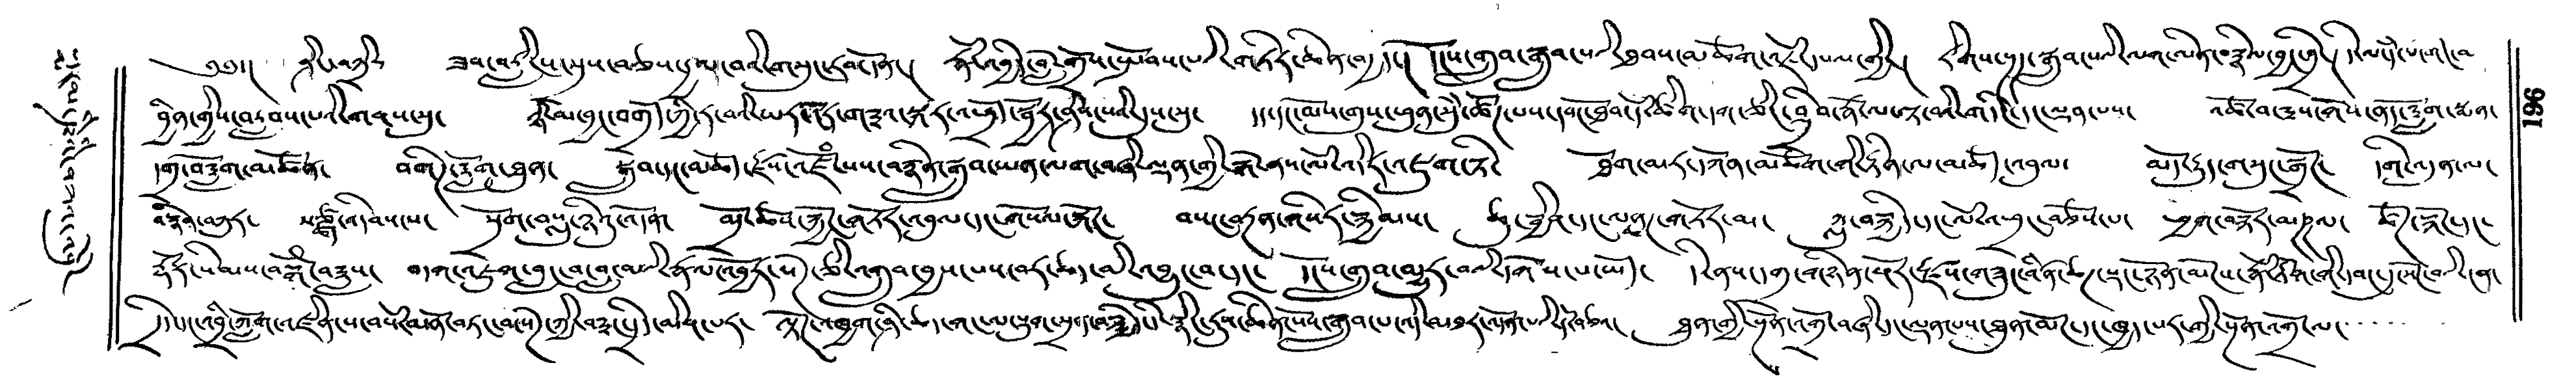༄༅། ཟབ་བརླིང་སྲས་བཅས་རྒྱལ་བའི་གསུང་རབ་དོན། །རྣམ་འབྱེད་བློ་གྲོས་སྤོབས་པའི་གཏེར་ཆེན་བརྒྱད། །དངོས་གྲུབ་སྒྲུབ་པའི་ཐབས་མཆོག་འཇམ་དཔལ་གྱི། །རིགས་སྔགས་སྒྲུབ་པའི་ལག་ལེན་བསྙེལ་བྱང་བྲི། དེ་ལ་དམ་པ་གོང་མས་
བྱིན་གྱིས་བརླབས་ཤིང་བཀྲ་ཤིས་པའི་གནས་སུ། ཉི་མ་བྱང་བགྲོད་ཀྱི་ར་བའི་ཡར་ངོར་གཟའ་སྐར་འཕྲོད་སྦྱོར་ཤིས་པའི་དུས་སུ། དད་དང་མོས་གུས་ཕུན་སུམ་ཚོགས་པས་དབང་ཐོབ་དམ་ཚིག་དག་ཅིང་ཤེས་རབ་རྣོ་ལ་ལྟ་བའི་གདེང་དང་ལྡན་པས། འཚོ་བ་ཟས་གོས། ནད་ཟློག་སྨན། 
དགྲ་ཟློག་མཚོན། བགེགས་ཟློག་ཐུན། སྒྲུབ་དང་མཆོད་རྫས་འཛོམ་པས་བསྙེན་སྒྲུབ་ཡན་ལག་བཞི་ལྡན་གྱི་སྒོ་ནས་ལམ་འདིར་འཇུག་སྟེ། ཐོག་མར་དཀོན་མཆོག་གི་རྟེན་ལ་མཆོད་འབུལ། མདོ་རྒྱུད་གསུང་སྒྲོག དགེ་འདུན་ལ་
བསྙེན་བཀུར། སཙྪ་འདེབས་པ། སྲོག་བསླུ་ཉེའུ་འདོན། མཁའ་འགྲོ་ཆོས་སྐྱོང་གཏོར་འབུལ་དང་གསོལ་སྐོང་། བསང་བརྔན་གསེར་སྐྱེམས། ཆུ་སྦྱིན་དང་ལན་ཆགས་གཏོར་མ། ཀླུང་བསྐྱེད་དང་ལམ་འཕྲང་བཅོས་པ། ཕྱག་བསྐོར་མཎྜལ། ཚོགས་སྐོང་དང་
རྡོར་སེམས་བསྒོམ་བཟླས། བདག་འཇུག་བླང་བ་བླ་མའི་རྣལ་འབྱོར་སོགས་ཅི་འགྲུབ་བྱས་པས་བར་ཆད་མི་འབྱུང་བ་དང་། དངོས་གྲུབ་མྱུར་བའི་དགོས་པ་ཡོད། དེ་ནས་དགྲ་གཉེན་ནོར་རྫས་གཟུགས་འཛིན་ཆགས་སྡང་ཉོན་མོངས་རྣམ་རྟོག་གི་དབང་དུ་སོང་བའི་ངན་
དྲེད་དང་འབྲི་ཀློག་འཛིན་པ་བསམ་མནོ་གཏོང་བ་སོགས་ཀྱི་བཟང་དྲེད་མིན་པར། ལྟོགས་འཁྱག་ཤི་ཆད་གང་ལའང་སྡུག་སྲན་བསྐྱེད་དེ་སྙིང་རུས་ཆེན་པོས་སྒྲུབ་པ་འདི་མཐར་འདོན་པའི་དམ་བཅའ། ཐུན་གྱི་སྔོན་འགྲོ་བཞི་དང་ལྡན་པས་ཐུན་མོང་དང་ཁྱད་པར་གྱི་སྔོན་འགྲོ་ལ་